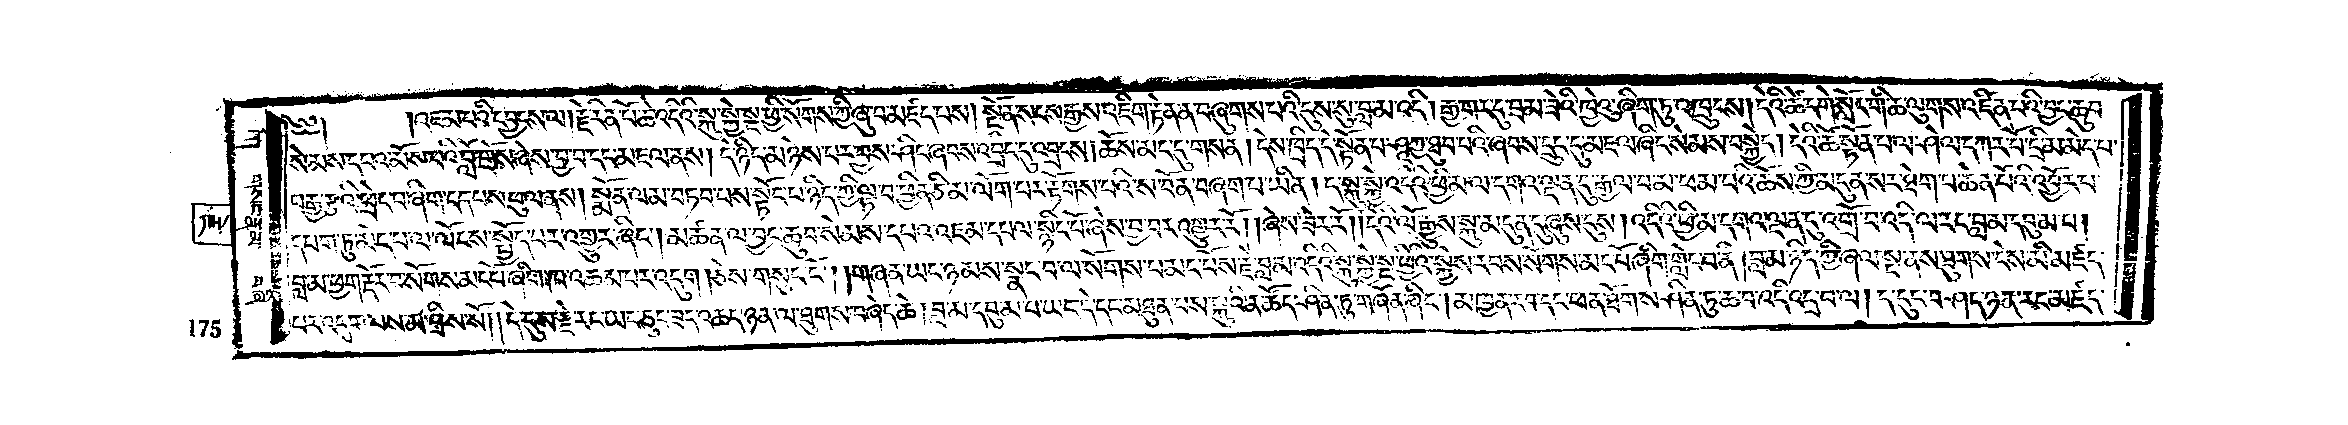༄༅། །འཇམ་པའི་དབྱངས་ལ། རྗེ་རིན་པོ་ཆེ་འདིའི་སྐུ་སྐྱེ་སྔ་ཕྱི་སོགས་ཀྱི་ཞུ་བ་མཛད་པས། སྔོན་སངས་རྒྱས་འཇིག་རྟེན་ན་བཞུགས་པའི་དུས་སུ་བླ་མ་འདི། རྒྱ་གར་དུ་བྲམ་ཟེའི་ཁྱེའུ་ཞིག་ཏུ་འཁྲུངས། དེའི་ཚེ་དགེ་སློང་གི་ཆ་ལུགས་འཛིན་པའི་བྱང་ཆུབ་
སེམས་དཔའ་མོས་པའི་བློ་གྲོས་ཞེས་བྱ་བ་དང་མཇལ་ནས། དེ་ཉིད་མཉེས་པར་བྱས་ཤིང་ཞབས་འབྲིང་དུ་འབྲངས། ཆོས་མང་དུ་གསན། དེས་ཁྲིད་དེ་སྟོན་པ་ཤཱཀྱ་ཐུབ་པའི་ཞབས་དྲུང་དུ་མཇལ་ཞིང་སེམས་བསྐྱེད། དེའི་ཚེ་སྟོན་པ་ལ་ཤེལ་དཀར་པོ་དྲི་མ་མེད་པ་
བརྒྱ་རྩའི་ཕྲེང་བ་ཞིག་དད་པས་ཕུལ་ནས། སྨོན་ལམ་བཏབ་པས་སྟོང་པ་ཉིད་ཀྱི་ལྟ་བ་ཕྱིན་ཅི་མ་ལོག་པར་རྟོགས་པའི་ས་བོན་བཞག་པ་ཡིན། ད་སྐུ་སྐྱེ་འདིའི་ཕྱི་མ་ལ་དགའ་ལྡན་དུ་རྒྱལ་བ་མ་ཕམ་པའི་ཆོས་ཀྱི་མདུན་སར་ཐེག་པ་ཆེན་པོའི་འབྱོར་པ་
དཔག་ཏུ་མེད་པ་ལ་ལོངས་སྤྱོད་པར་འགྱུར་ཞིང་། མཚན་ལ་བྱང་ཆུབ་སེམས་དཔའ་འཇམ་དཔལ་སྙིང་པོ་ཞེས་བྱ་བར་འགྱུར་རོ། །ཞེས་ཟེར་རོ། །དེའི་ལོ་རྒྱུས་སྐུ་མདུན་དུ་ཞུས་དུས། འདིའི་ཕྱི་མ་དགའ་ལྡན་དུ་འགྲོ་བ་འདི་ལ་རང་བླ་མ་དབུ་མ་པ།
བླ་མ་ཕྱག་རྡོར་བ་སོགས་མང་པོ་ཞིག་ཁ་འཆམ་པར་འདུག །ཅེས་གསུང་ངོ། །གཞན་ཡང་ཉམས་སྣང་བ་ལ་སོགས་པ་མང་པོས་རྗེ་བླ་མ་འདིའི་སྐུ་སྐྱེ་སྔ་ཕྱིའི་སྐྱེས་རབས་སོགས་མང་པོ་ཞིག་གླེང་བ་ནི། བླ་མ་ཉིད་ཀྱི་ཞལ་སྔ་ནས་ཐུགས་ངེས་མི་མཛད་
པར་འདུག་པས་མ་བྲིས་སོ། །དེ་དུས་རྗེ་རང་ཡང་ཅུང་ཟད་འཆད་ཉན་ལ་ཐུགས་བཞེད་ཆེ། བླ་མ་དབུ་མ་པ་ཡང་དེ་དང་མཐུན་པས་སྐུའི་ན་ཚོད་ཤིན་ཏུ་གཞོན་ཞིང་། མཁྱེན་རབ་དང་ཕན་ཐོགས་ཤིན་ཏུ་ཆ་བ་འདི་འདྲ་བ་ལ། ད་དུང་བཤད་ཉན་རང་མཛད་